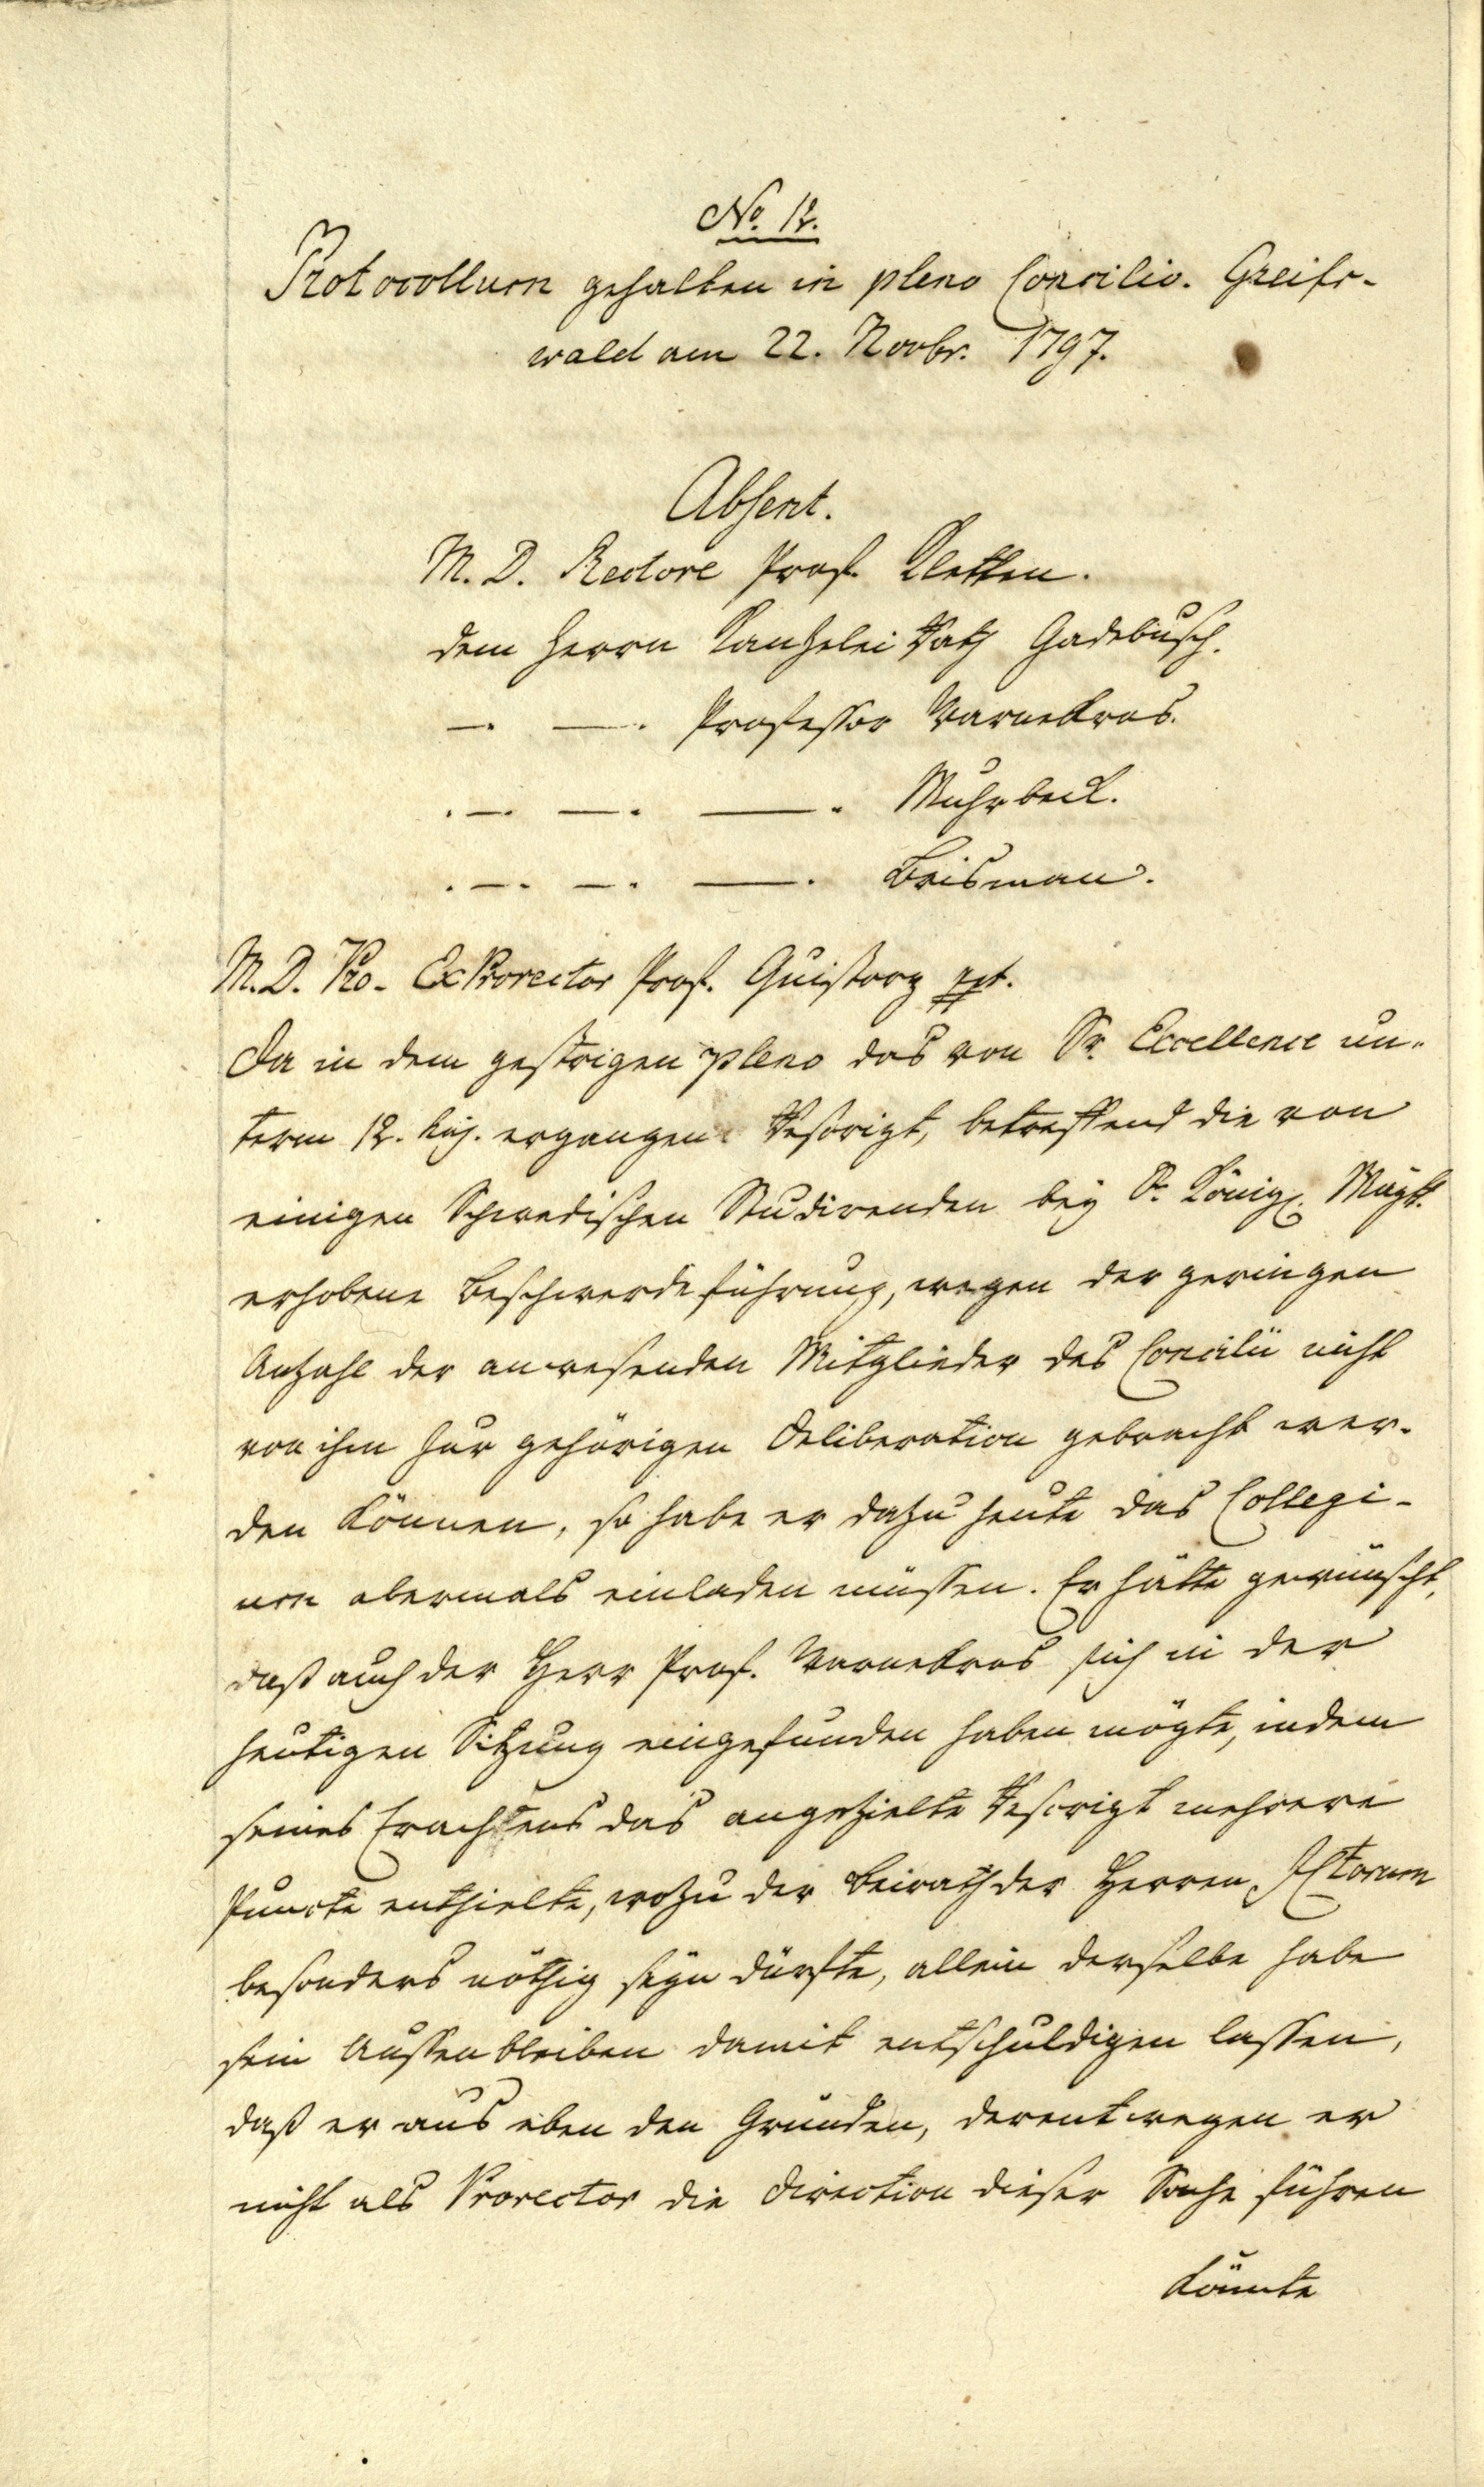No 12.
Protocollum gehalten in pleno Concilio. Greifs-
wald am 22. Novbr. 1797.
Absent.
M. D. Rectore Prof. Kletten.
dem Herrn Kanzelei Rath Gadebusch.
Professor Warnekros
Muhrbeck.
Brisman.
M. D. Pro. ExProrector Prof. Quistorp ppt.
Da in dem gestrigen pleno das von Sr. Excellence un¬
term 12. huj. ergangene. Rescrigt, betreffend die von
einigen Schwedischen Studirenden beÿ Sr. Königl. Maÿtt.
erhobene Beschwerde führung, wegen der geringen
Anzahl der anwesenden Mitglieder des Concilii nicht
von ihm zur gehörigen Deliberation gebracht wer¬
den können, so habe er dazu heute das Collegi¬
um abermals einladen müssen. Er hätte gewünscht,
daß auch der Herr Prof. Warnekros sich in der
heutigen Sitzung eingefunden haben mögte, indem
seines Erachtens das angezielte Rescript mehrere
Puncte enthielte, wozu der Beirath der Herren Iltorum
besonders nöthig seÿn dürfte, allein derselbe habe
sein Aussenbleiben damit entschuldigen lassen,
daß er aus eben den Gründen, derent wegen er
nicht als Prorector die Direction dieser Sache führen
könnte.